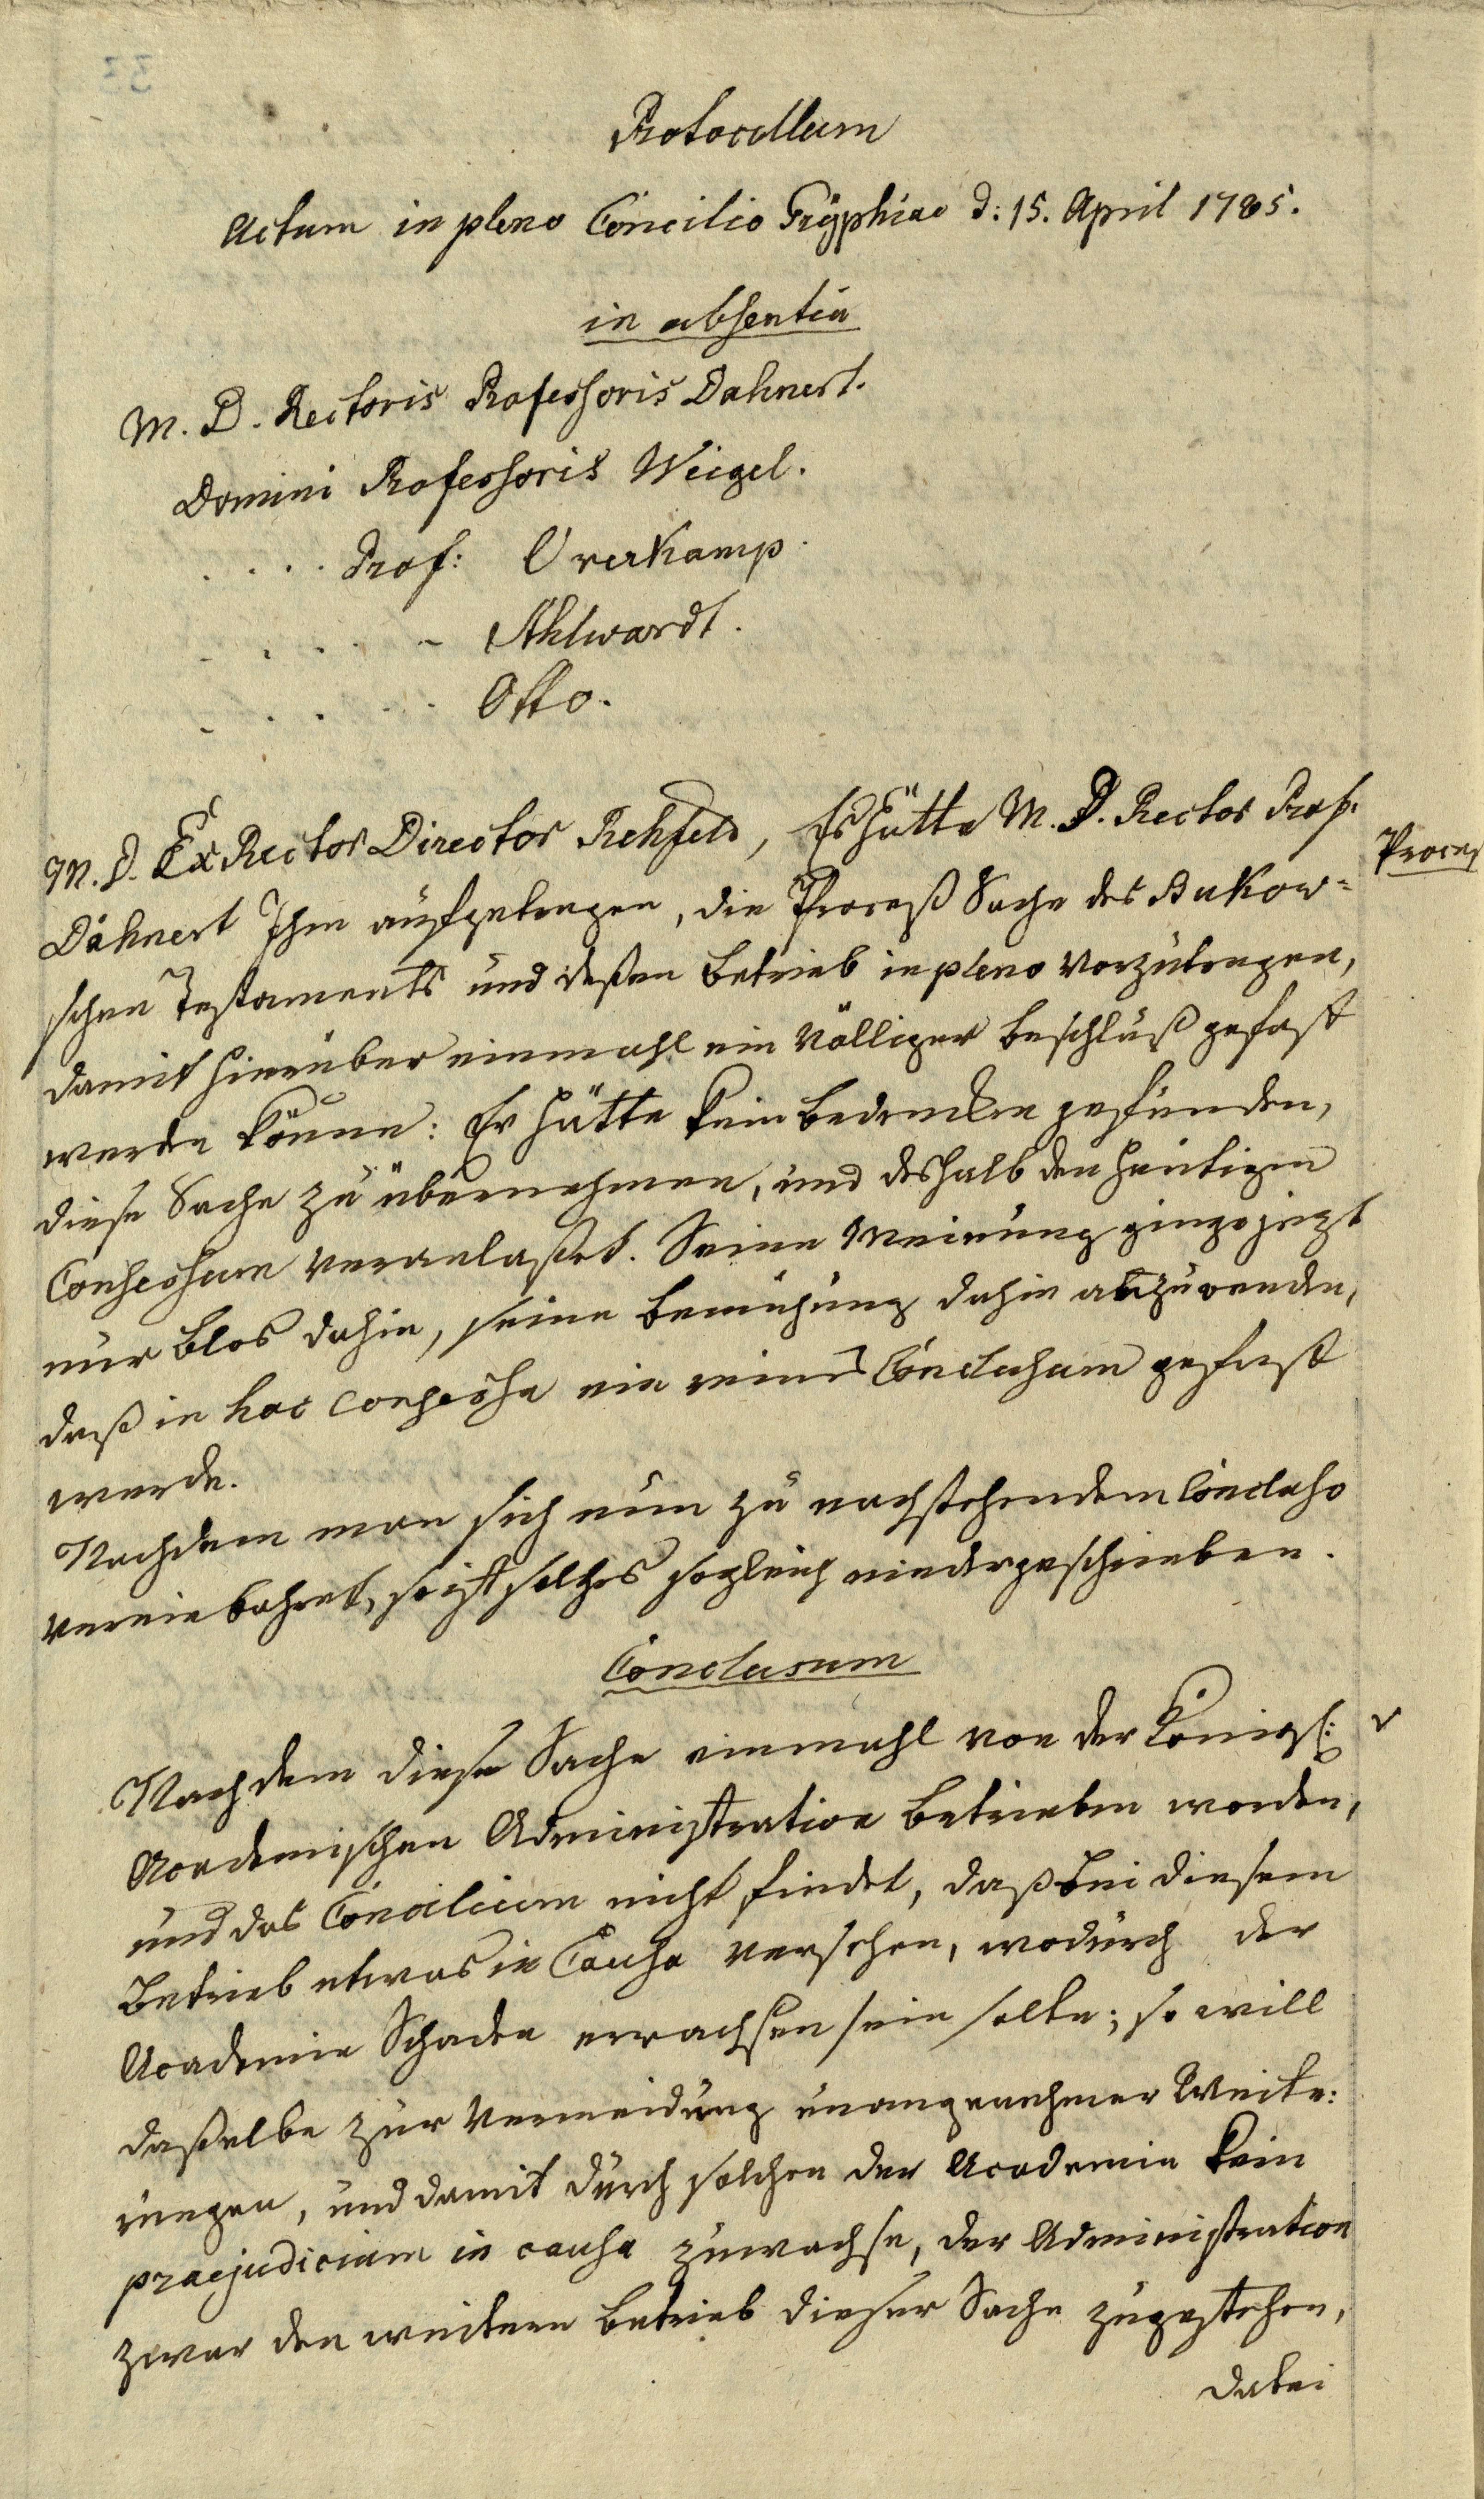Protocollum
Actum in pleno Concilio Grÿphiae d. 15. April 1785.
in absentia
M. D. Rectoris Professoris Dähnert
Domini Professoris Weigel.
Prof. Overkamp.
Ahlwardt.
Otto.
M. D. Ex Rector Director Rehfeld, Es hätte M. D. Rector Prof.
Dähnert Ihm aufgetragen, die Proceß Sache des Bukow¬
schen Testaments und deßen Betrieb in pleno vorzutragen,
damit hierüber einmahl ein völliger Beschluß gefast
werden könne: Er hätte kein Bedencken gefunden,
diese Sache zu übernehmen, und deshalb den heutigen
Consessum veranlaßet. Seine Meinung ginge jezt
nur blos dahin, seine Bemühung dahin abzuwenden,
daß in hoc consessa ein reines Conclusum gefast
werde.
Nachdem man sich nun zu nachstehendem Concluso
vereinbahret, so ist solches sogleich niedergeschrieben.
Conclusum
Nachdem diese Sache einmahl von der Königl.
Academischen Administration betrieben worden,
und das Concilium nicht findet, daß bei diesem
Betrieb etwas in Causa versehen, wodurch der
Academie Schaden erwachsen sein solte; so will
daßelbe zur Vermeidung unangenehmer Weite¬
rungen, und damit durch solchen der Academie kein
praejudicium in causa zuwachse, der Administration
zwar den weitern Betrieb dieser Sache zugestehen,
dabei